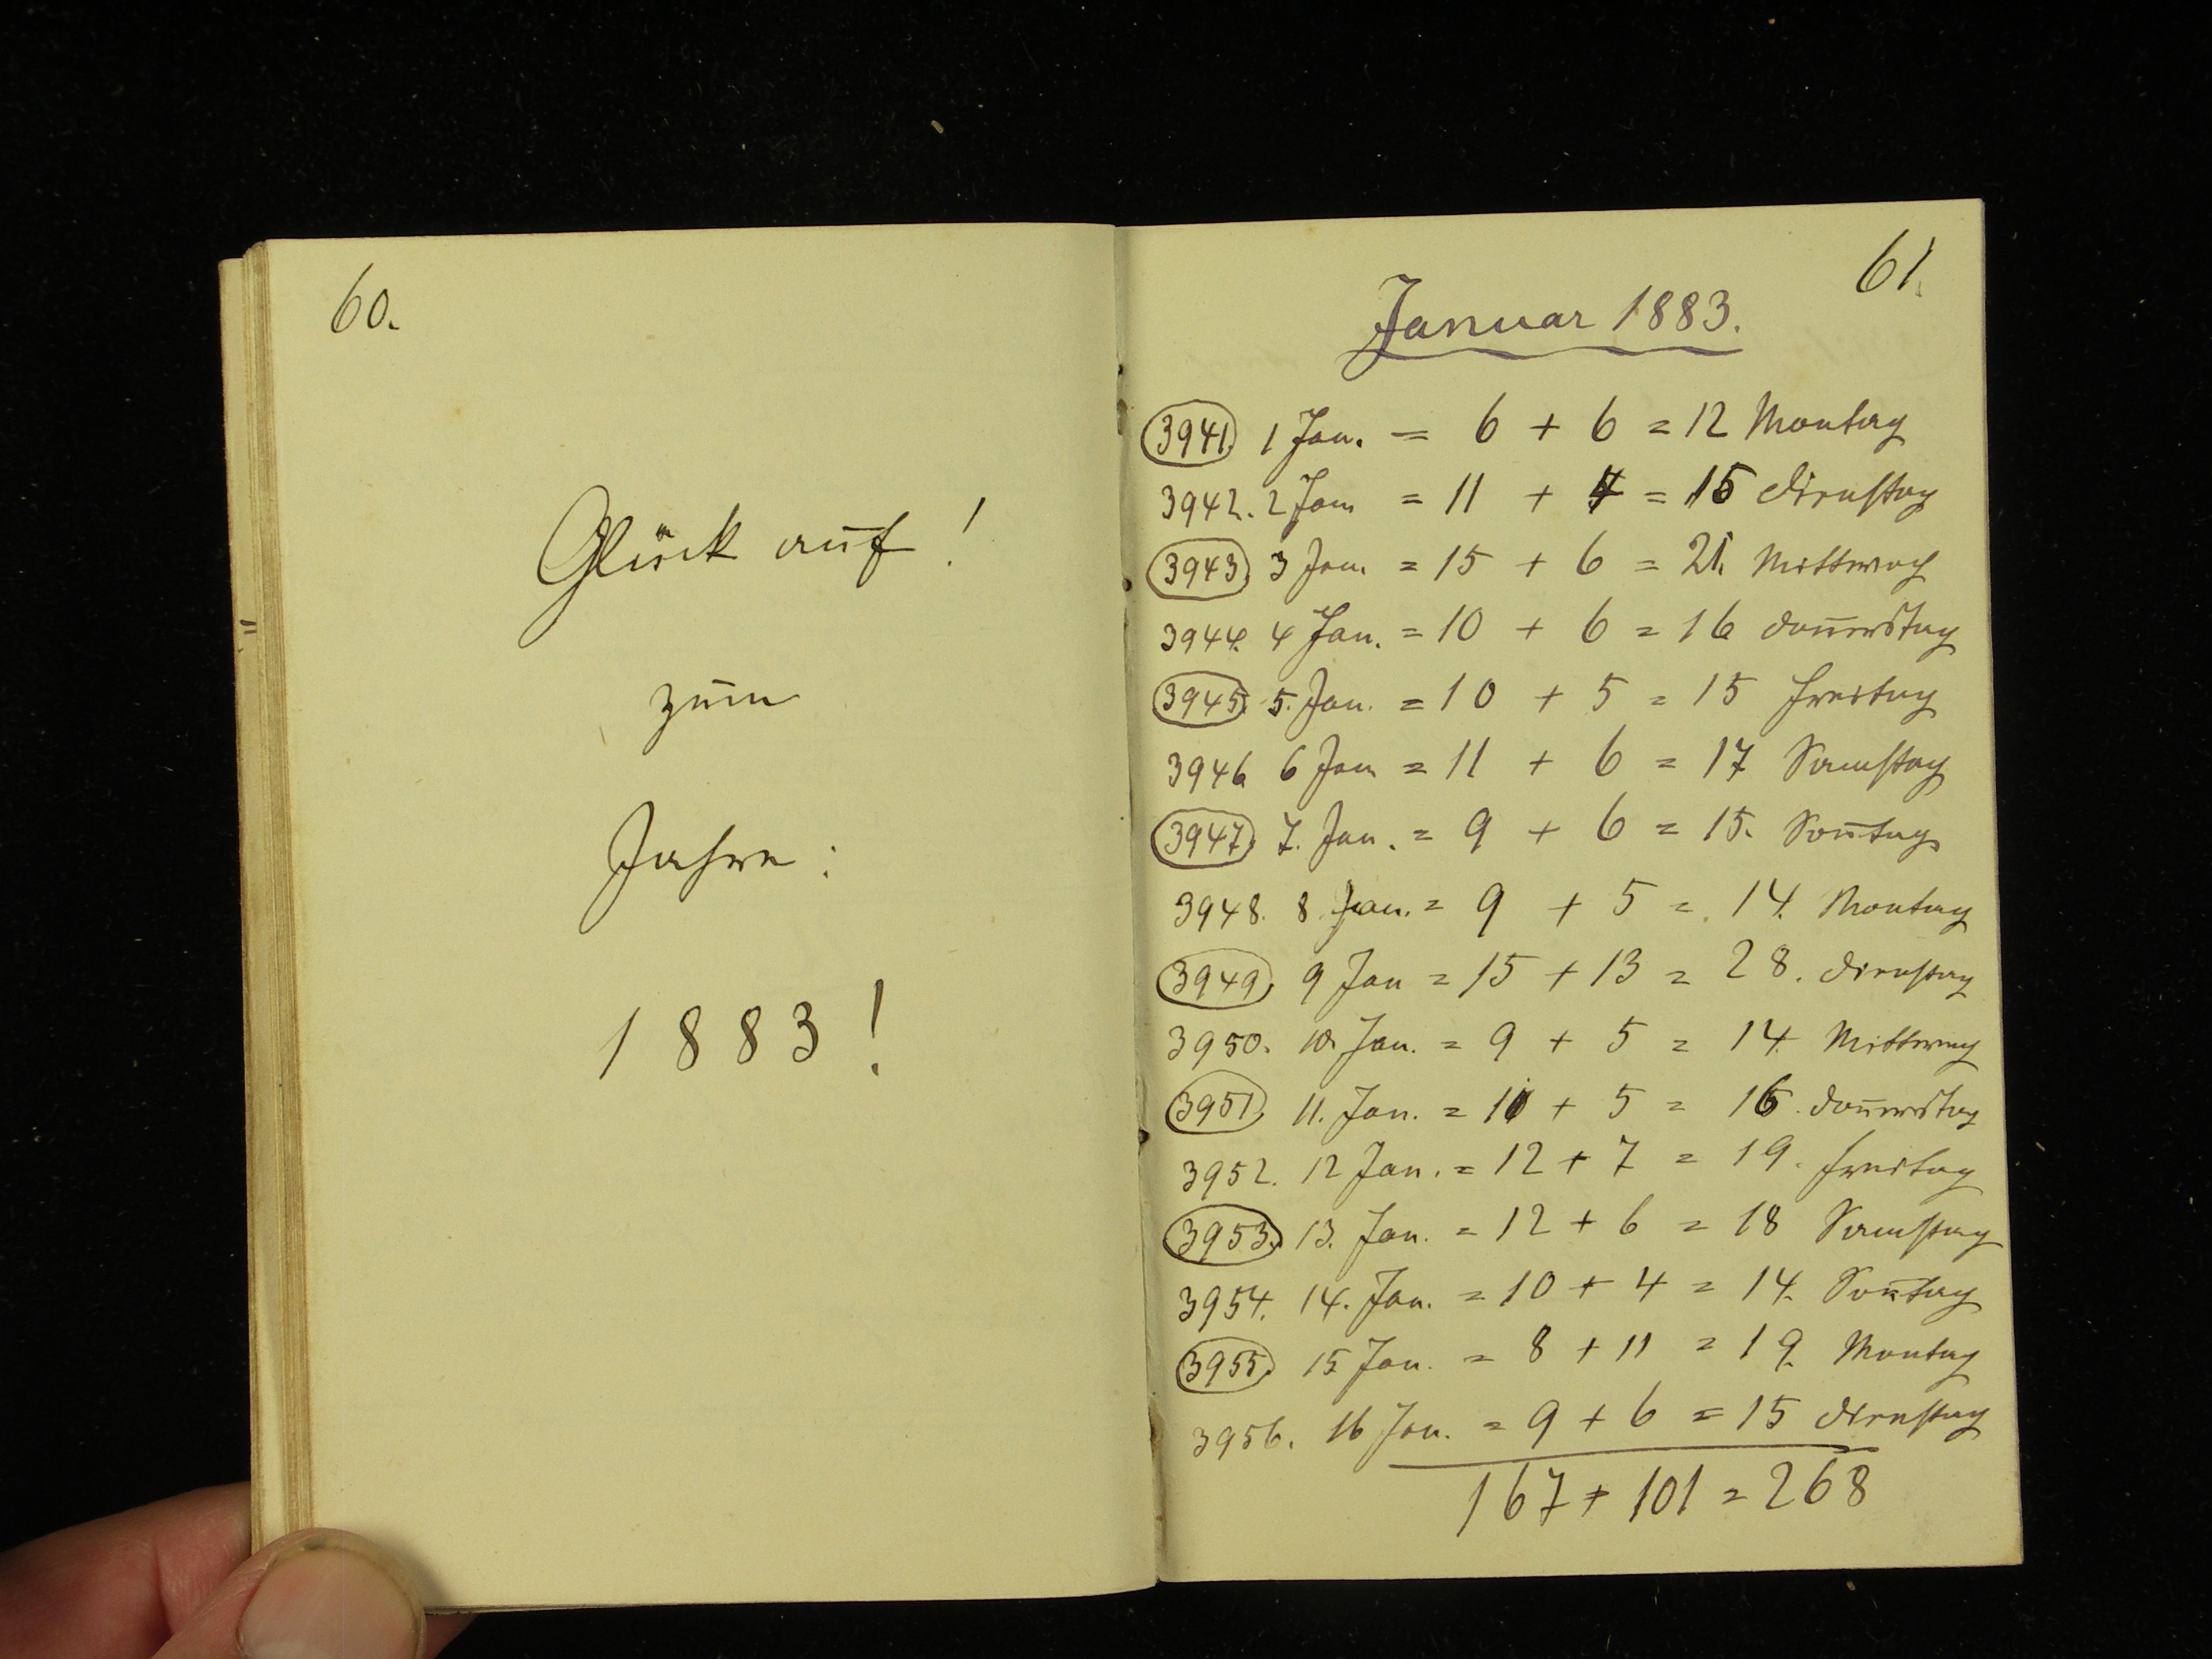60
Glück auf !
zum
Jahre
1883 !
61
Januar 1883
3941 1. Jan. = 6 + 6 = 12 Montag
3942 2. Jan. = 11 + 4 = 15 Dienstag
3943 3. Jan. = 15 + 6 = 25 Mittwoch
3944 4. Jan. = 10 + 6 = 16 Donnerst.
3945 5. Jan. = 10 + 5 = 15 Freitag
3946 6. Jan. = 11 + 6 = 17 Samstag
3947 7. Jan. = 9 + 6 = 15 Sonntag
3948 8. Jan. = 9 + 5 = 14 Montag
3949 9. Jan. = 15 + 13 = 28 Dienstag
3950 10. Jan. = 9 + 5 = 14 Mittwoch
3951 11. Jan. = 10 + 5 = 16 Donnerstag
3952 12. Jan. = 12 + 7 = 19 Freitag
3953 13.Jan. = 12 + 6 = 18 Samstag
3954 14. Jan. = 10 + 4 = 14 Sonntag
3955 15. Jan. = 8 + 11 = 19 Montag
3956 16. Jan. = 9 + 6 = 15 Dienstag
167 + 101 = 268